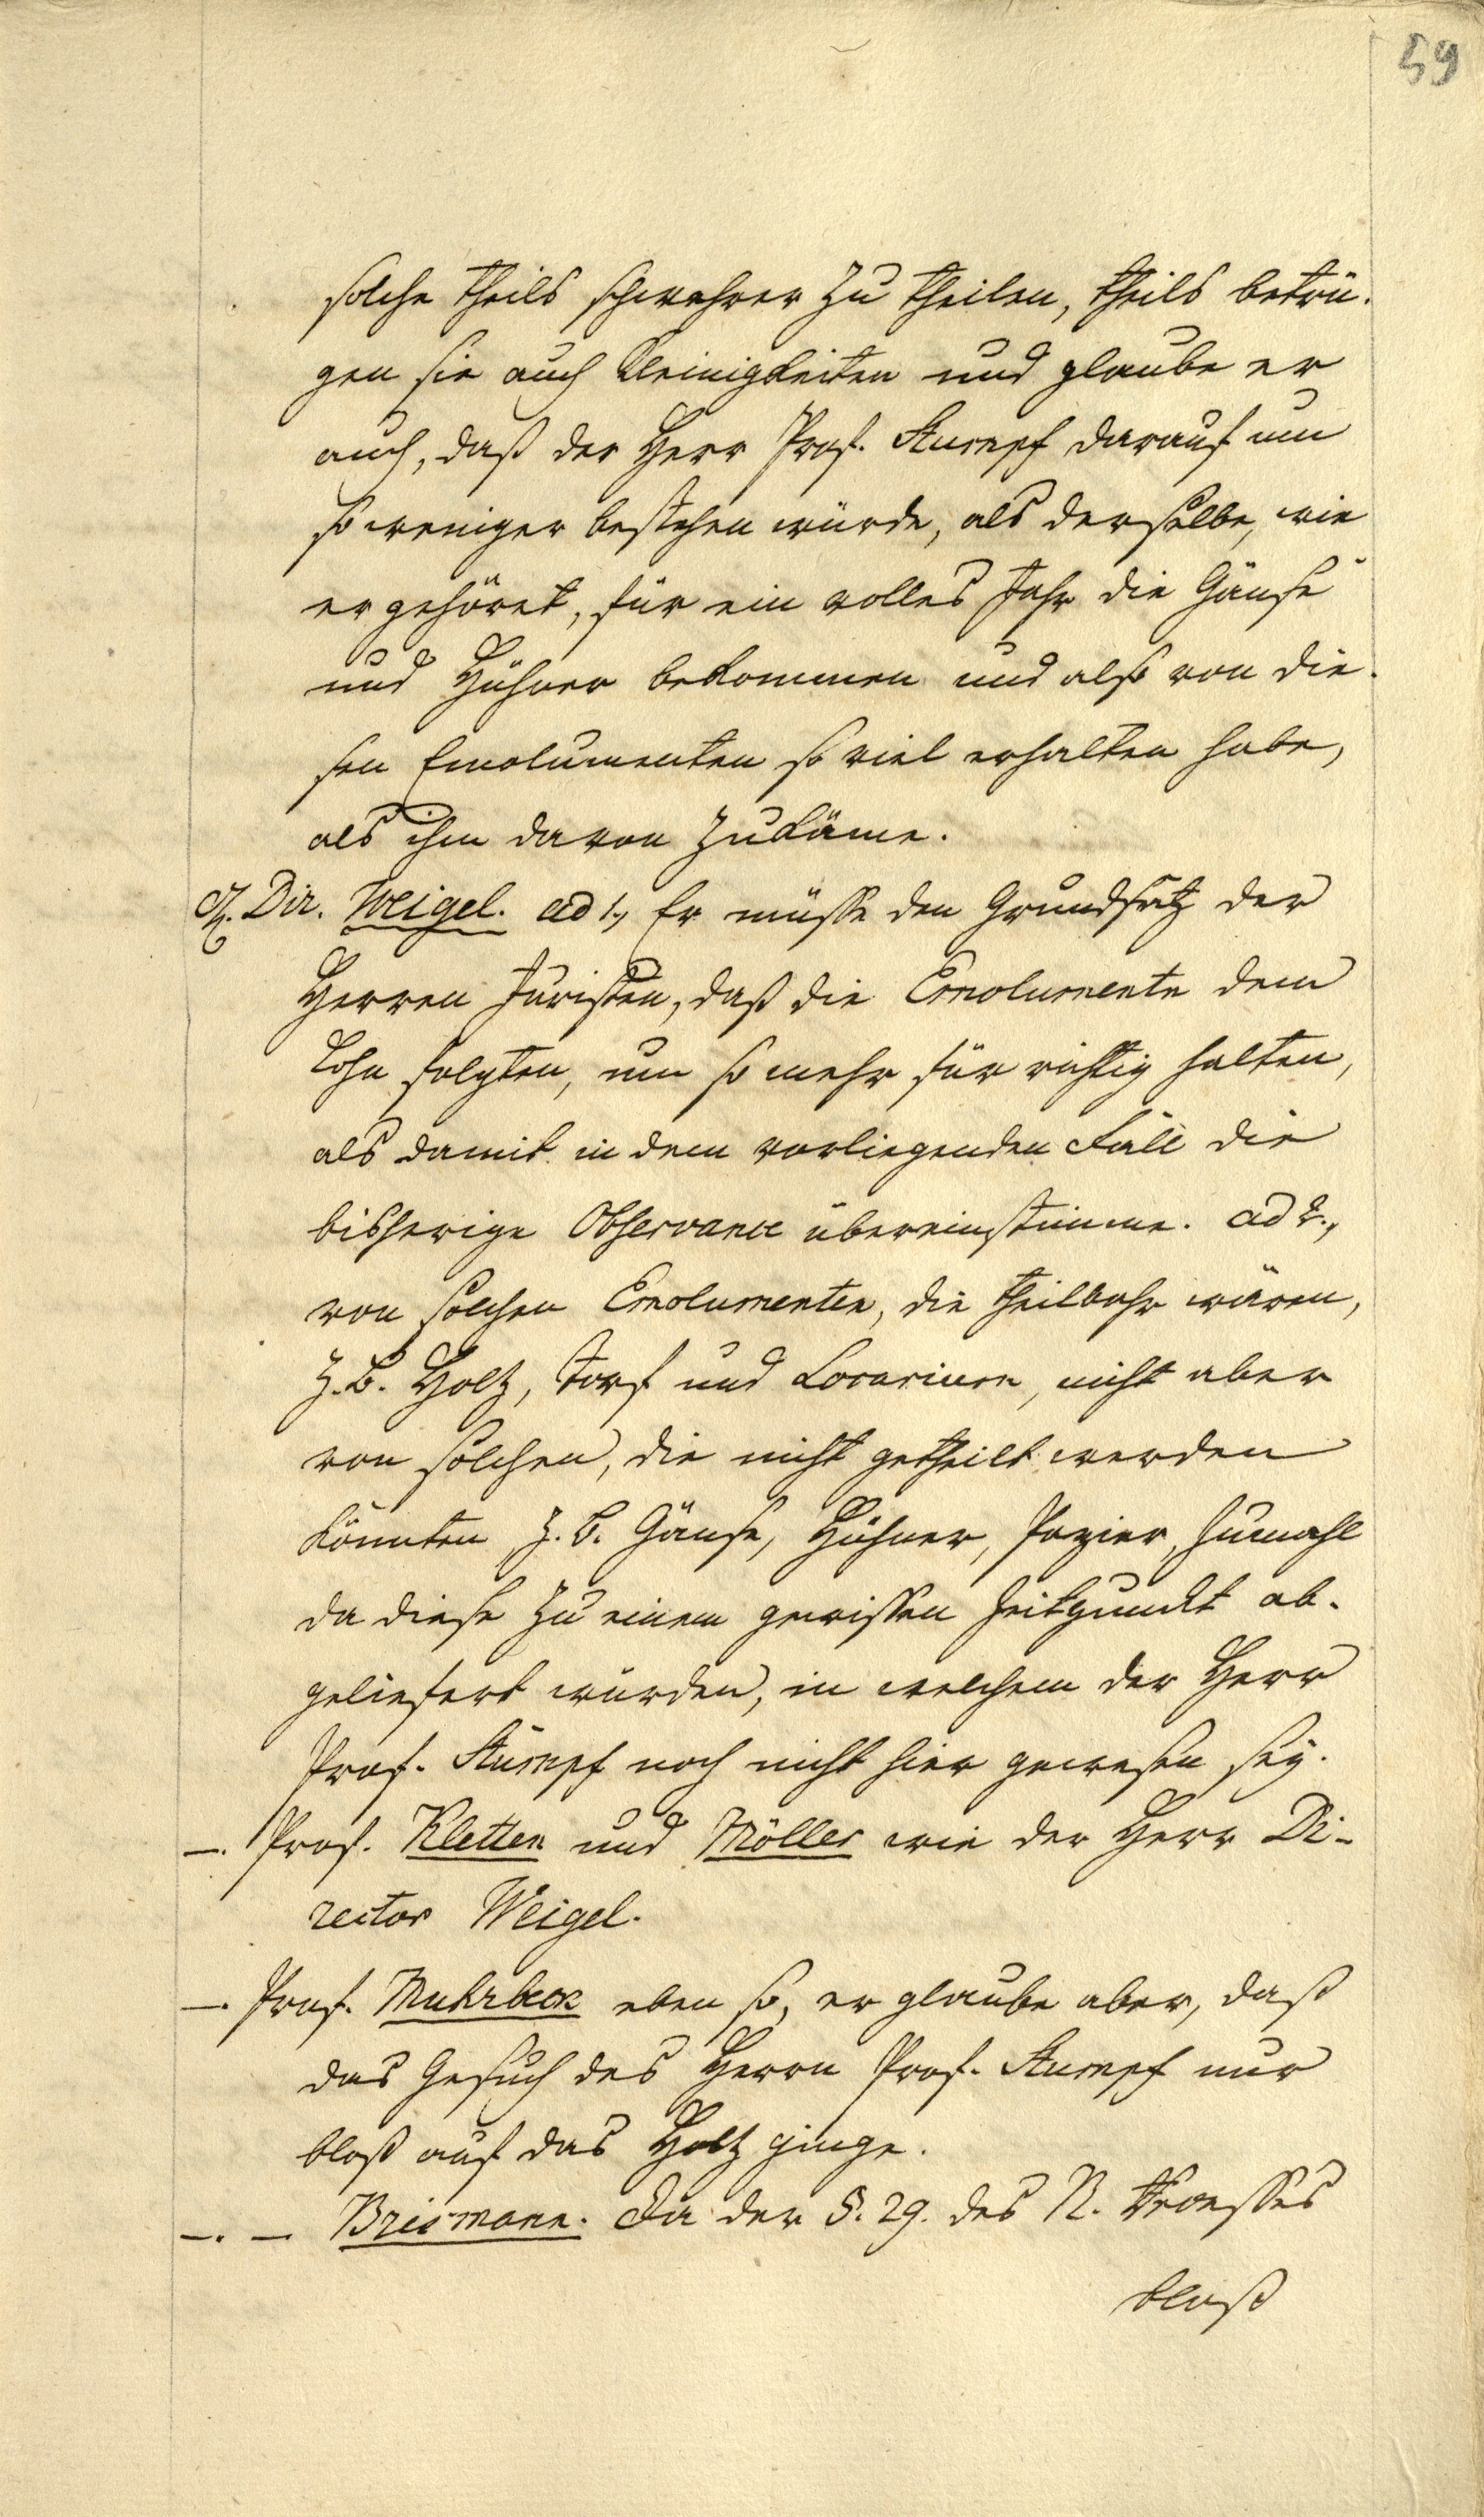solche theils schwehrer zu theilen, theils betrü¬
gen sie auch Kleinigkeiten und glaube er
auch, daß der Herr Prof. Stumpf darauf um
so weniger bestehen würde, als derselbe, wie
er gehöret, für ein volles Jahr die Gänse
und Hühner bekommen und also von die¬
sen Emolumenten so viel erhalten habe,
als ihm davon zukäme.
dh. Dir. Weigel. ad 1., Er müsse den Grundsatz der
Herren Juristen, daß die Emolumente dem
Lohn folgten, um so mehr für richtig halten,
als damit in dem vorliegenden Fall die
bisherige Observance übereinstimme. ad 2.,
von solchen Emolumenten, die theilbahr wären,
z. B. Holz, Torf und Locarium, nicht aber
von solchen, die nicht getheilt werden
könnten z. B. Gänse, Hühner, Papier, zumahl
da diese zu einem gewissen Zeitpunckt ab¬
geliefert würden, in welchem der Herr
Prof. Stumpf noch nicht hier gewesen seÿ.
Prof. Kletten und Möller, wie der Herr Di¬
rector Weigel.
Prof. Muhrbeck eben so, er glaube aber, daß
das Gesuch des Herrn Prof. Stumpf nur
bloß auf das Holz ginge.
Brismann. Da der §. 29. des N. Recesses
bloß